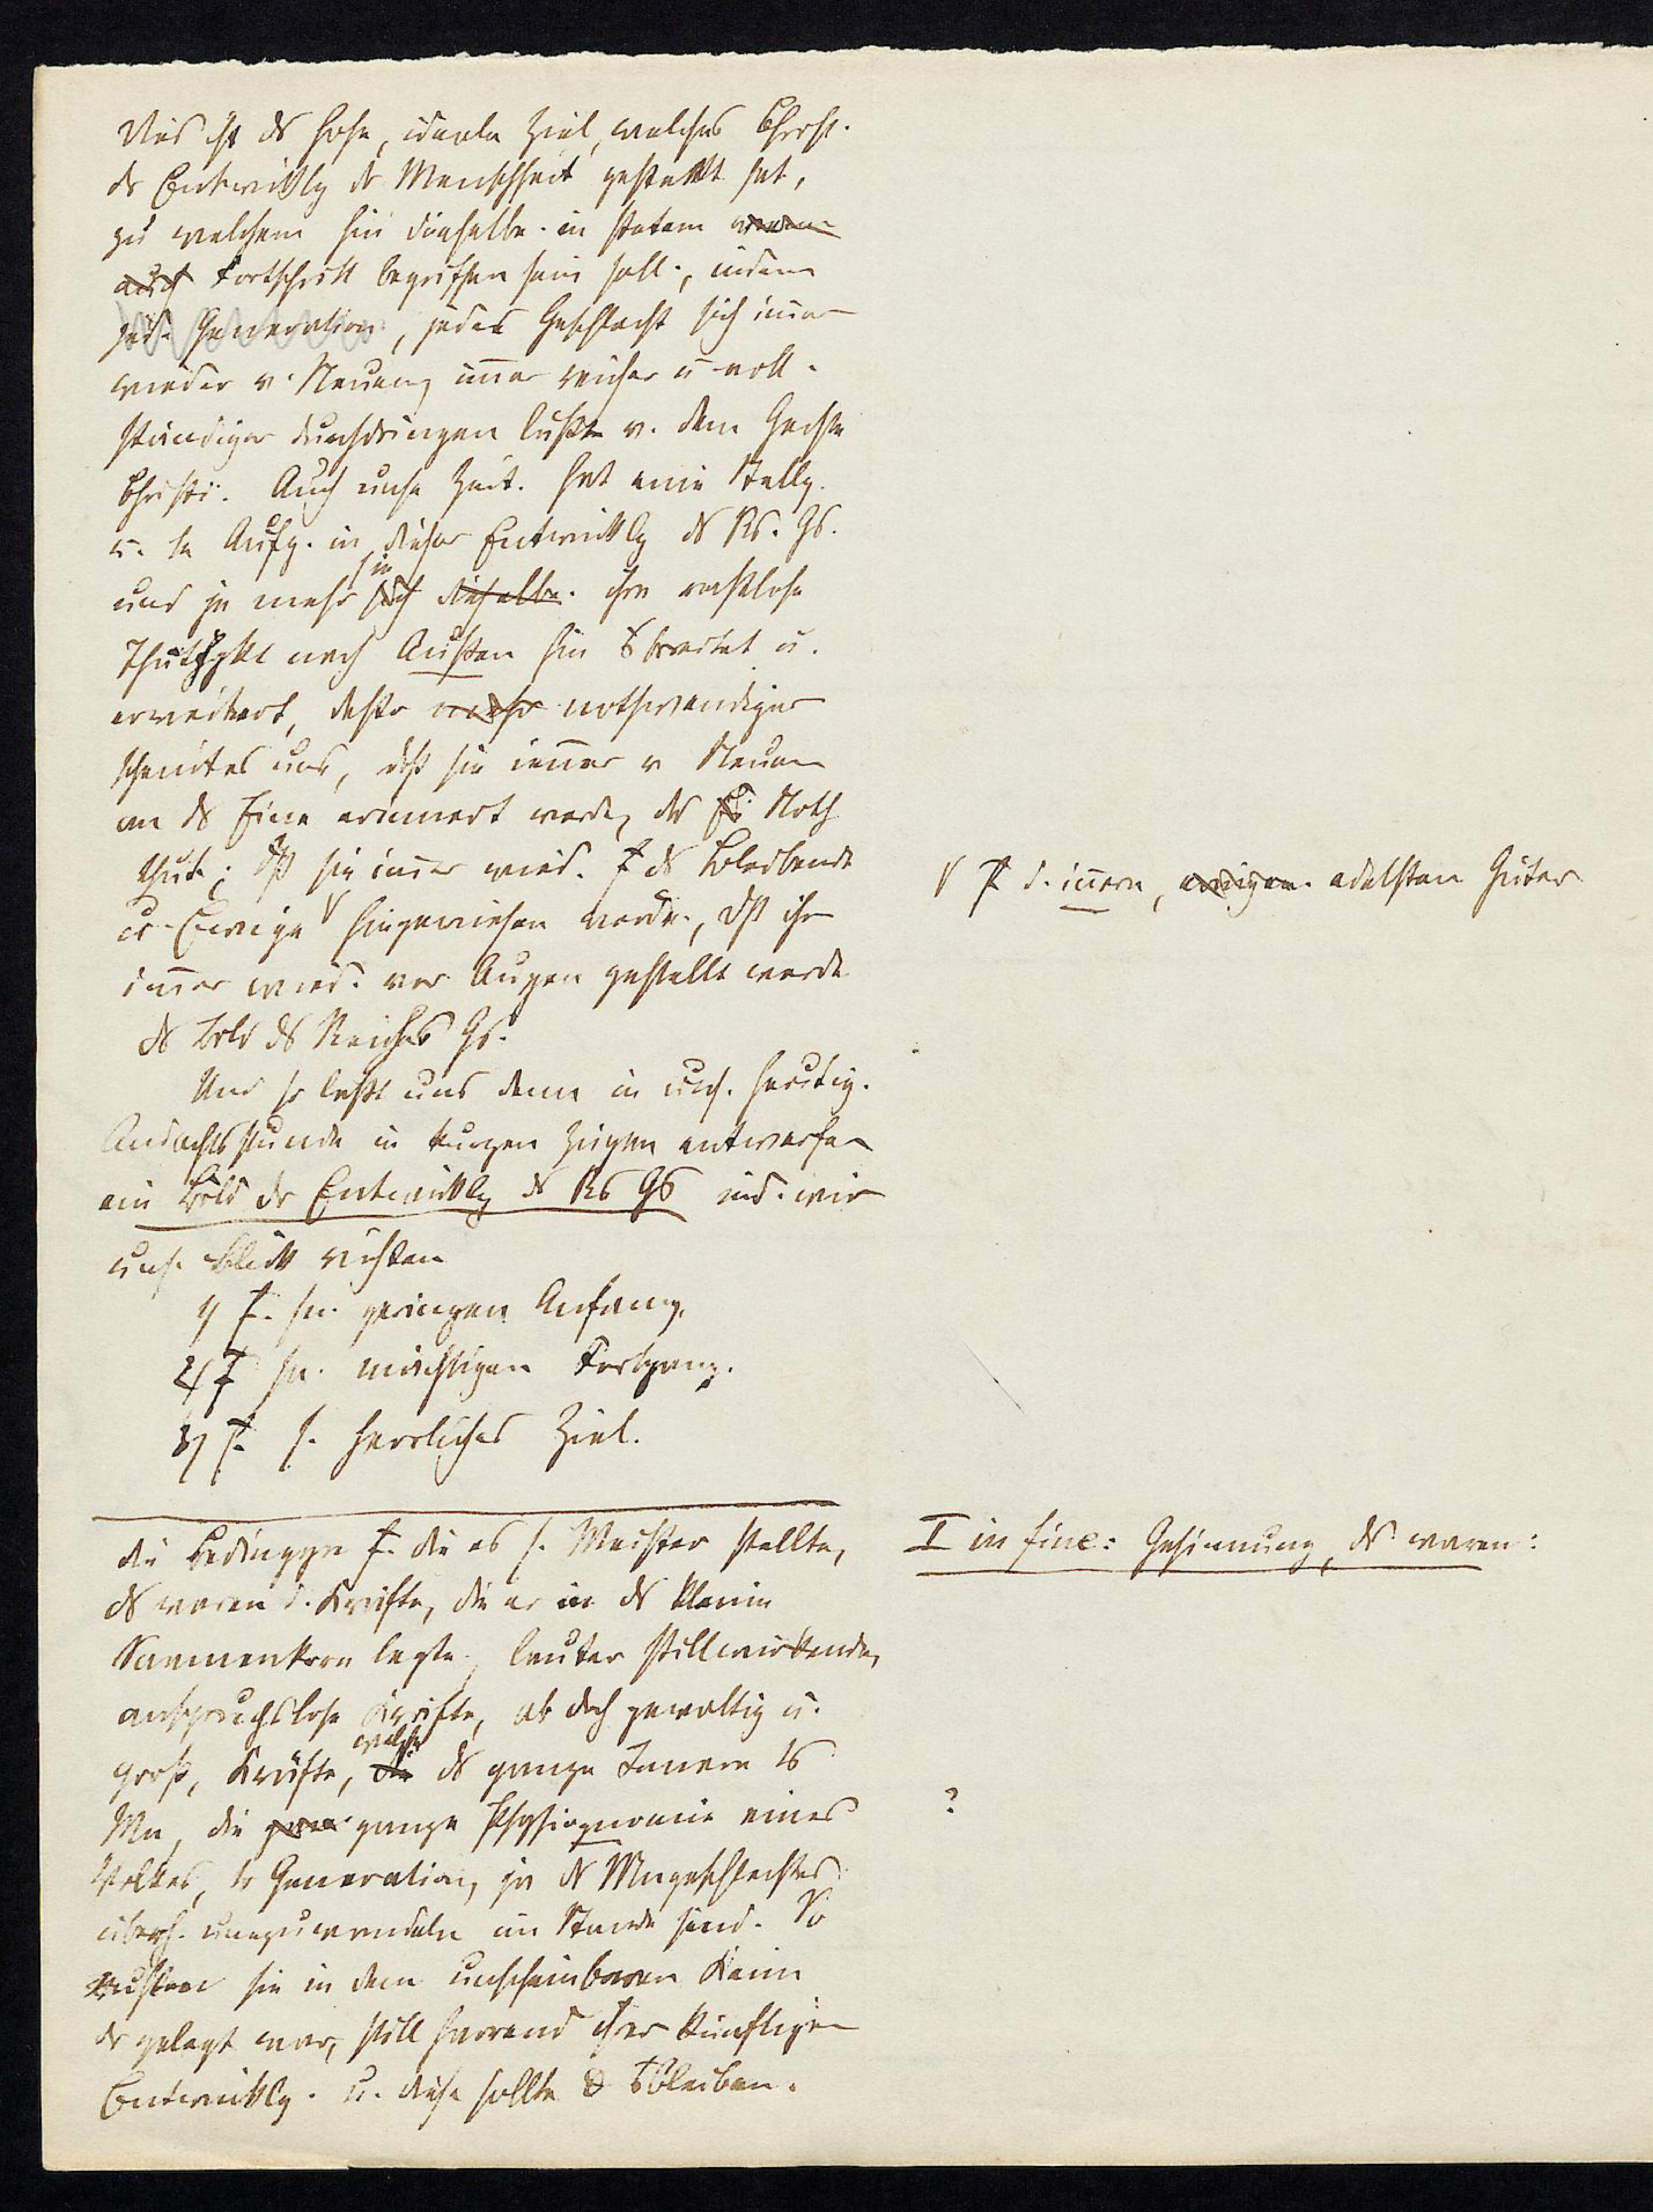Das ist ds Hohe, ideale Ziel, welches Christ.
di Entwicklg dr Menschheit gestaltet hat
zu welchem sie dieselbe in stetem wenn¬
auch Fortschritt begriffen sein soll; indem
jede Generation, jedes Geschlecht sich imer¬
wieder v. Neuem, imer reicher u. voll¬
ständiger durchdringen läßt v. dem Geiste
Christi. Auch unsr Zeit hat eine Stellg
u. 1. Aufg. in dieser Entwiklg. ds. Rs. Gs.
und je mehr sie sich dieselbe ihn rastlose
Thäthgkeit nach Außen hin abreitet u.
erweitert, desto mehr nothwendiger
scheint es und, daß sie imer v Neuem
an ds Eine erinnert werde, ds Ei Noth
thut; Daß sie imer wied. f ds Bleibende
u. Ewige hingewiesen werde; Dß ihr
imer wied. vor Augen gestellt werde
ds Bild ds Reiches Gs.
Und so laßt uns denn in uns. heutige
Andachtsstund in kurzen Zügen entwerfen
ein Bild der Entwicklg ds Rs Gs und wir
uns. Blick richten
1) f sn. geringen Anfang
2) f sn. mächtigen Fortgang
3) f s. herrliches Ziel
die Bedinggn f. die es s. Meister stellte,
ds waren d. Kräfte, die er ein ds kleine
Samenkorn legt, lauter stillwirkende,
anspruchslose Kräfte, ob doch gewaltig u.
welche
groß, Kräfte, die ds ganze Innere 1s
Mn, die ganz ganze Psgtiogeonie eines
Volkes, 1r Generation, ja Mngeschlechtes
überh. umzuwandeln im Stande sind. So
ruhten sie in dem unscheinbaren Keim
dr gelegt war, still harrend ihrer künftigen
Entwicklg. u. diese sollte o sbleiben.
V f d inere, ewigen edelsten Güter
I in fine: Gesinnung, ds waren: